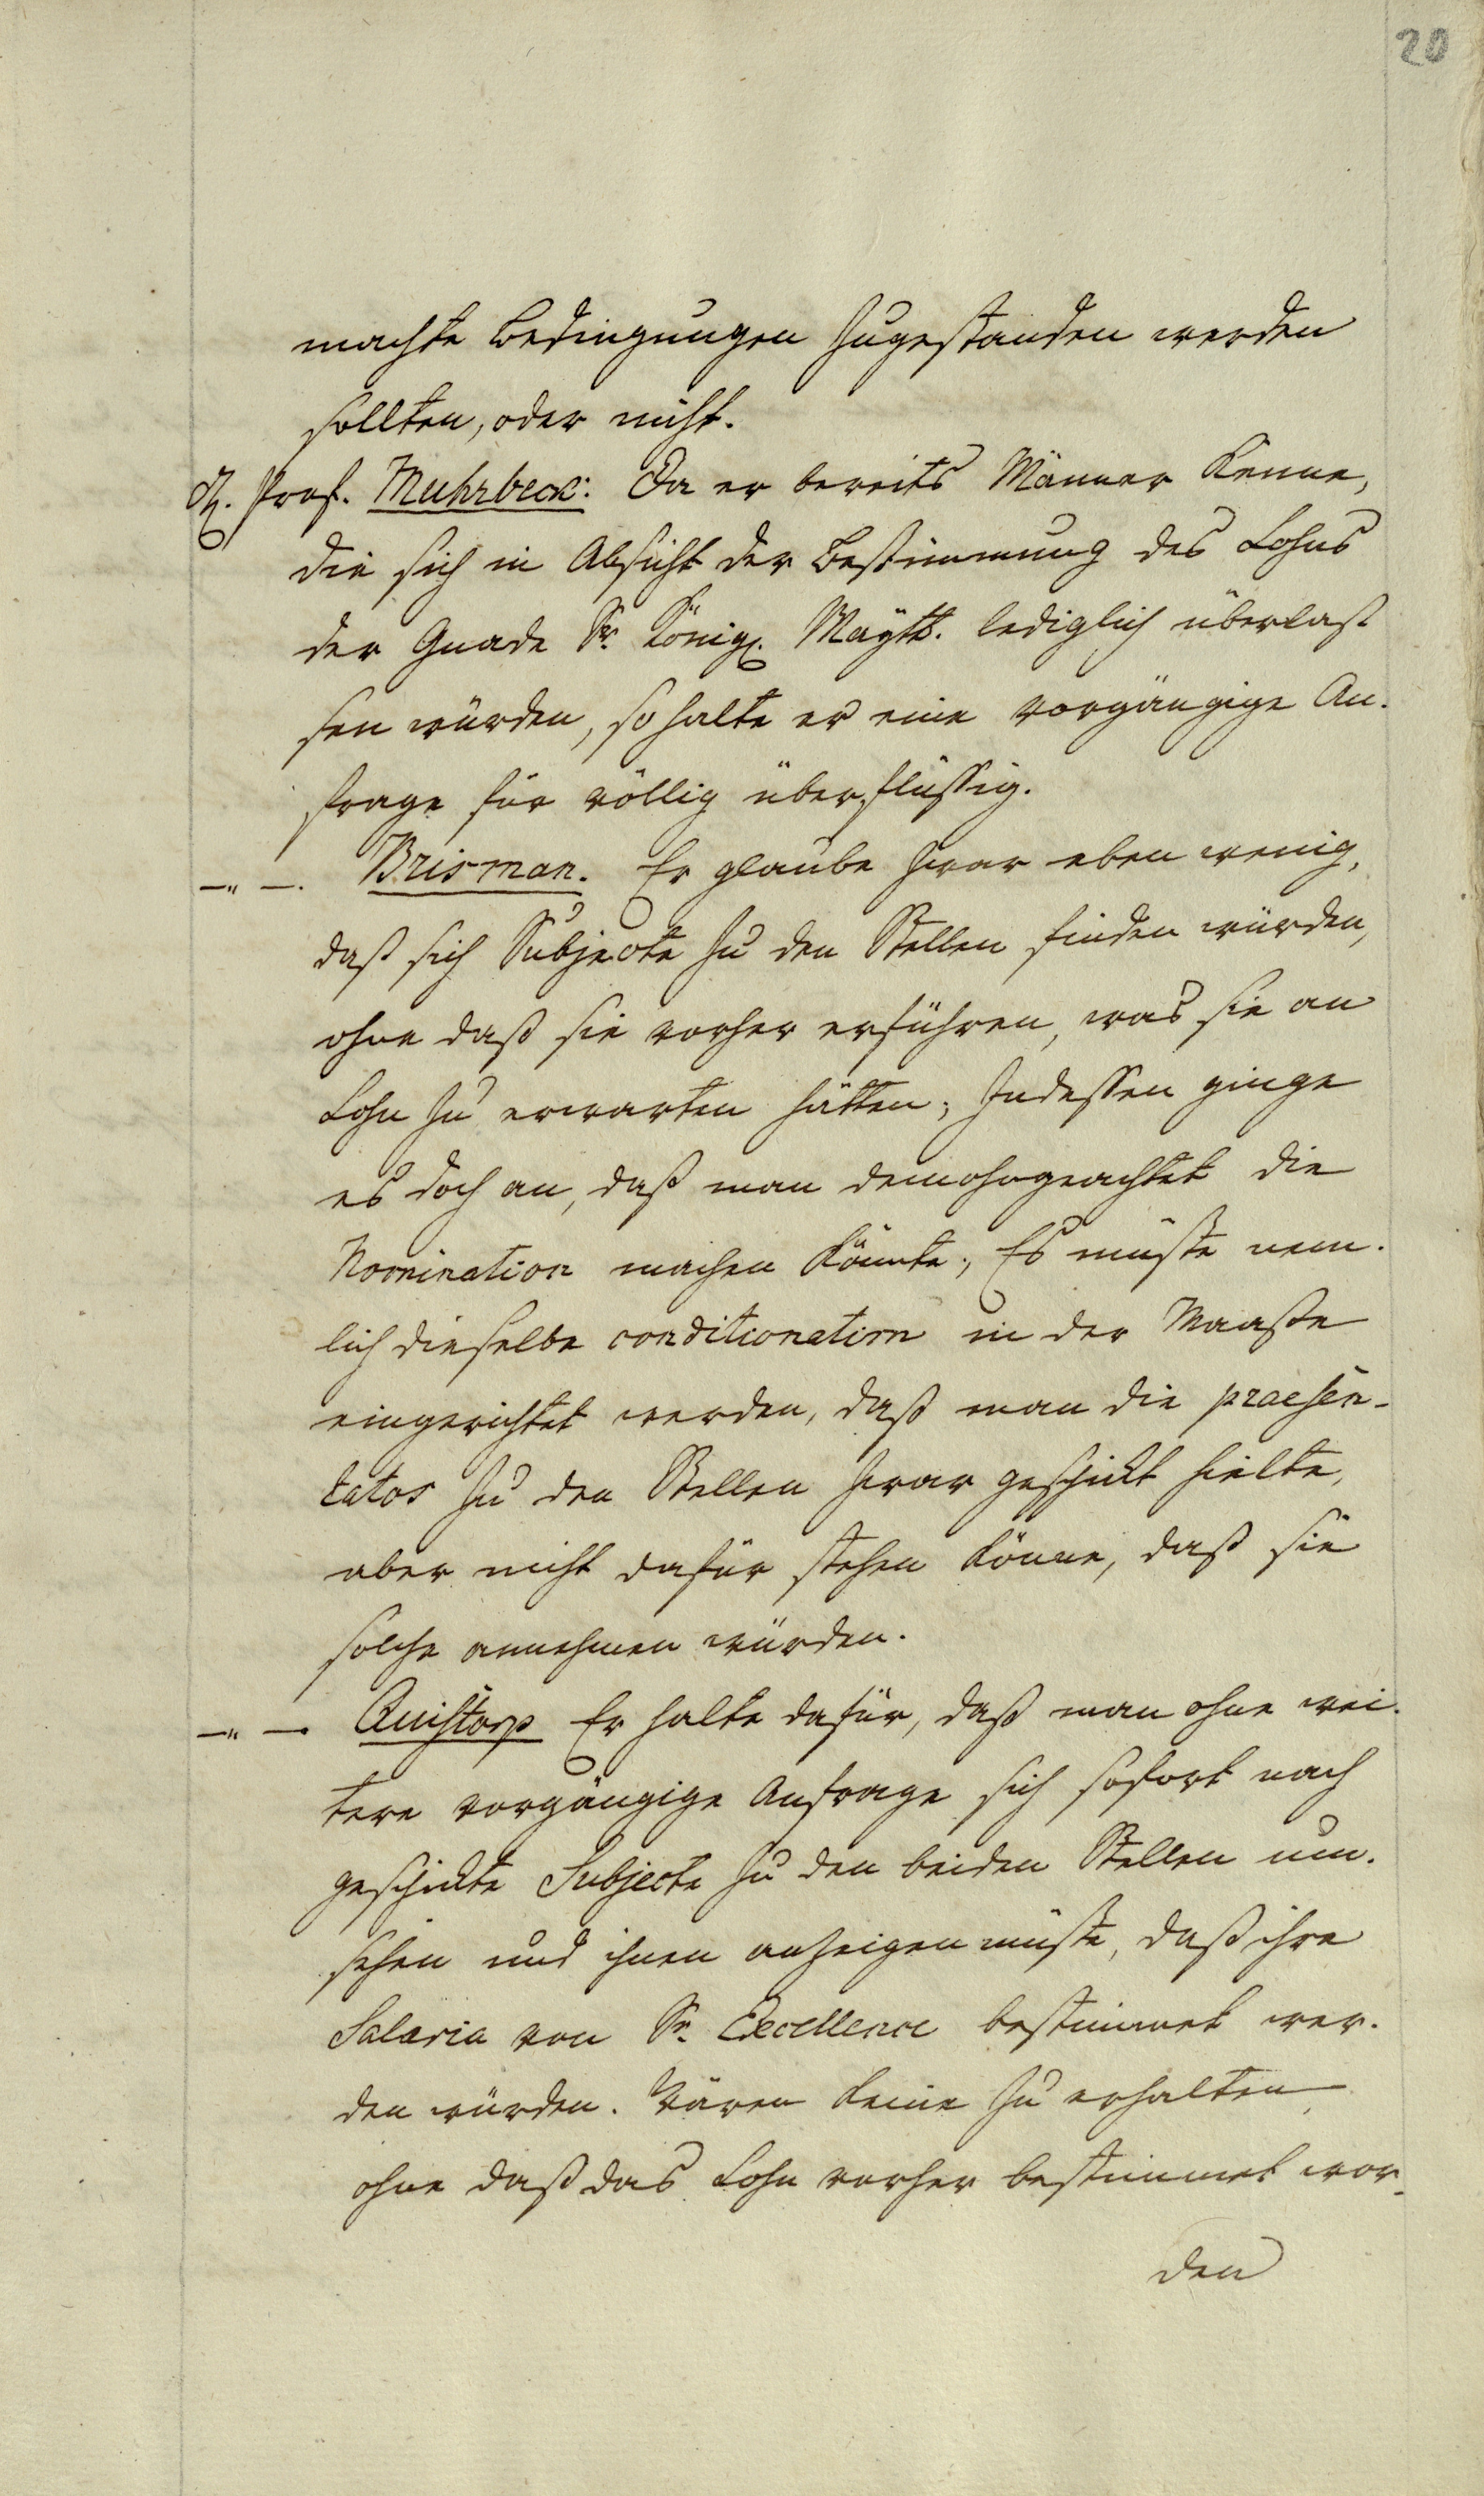machte Bedingungen zugestanden werden
sollten, oder nicht.
dh. Prof. Muhrbeck: Da er bereits Männer kenne,
die sich in Absicht der Bestimmung des Lohns
der Gnade Sr. Königl. Maÿst. lediglich überlas¬
sen würden, so halte er eine vorgängige An¬
frage für völlig überflüssig.
— " — . Brismann. Er glaube zwar eben wenig,
daß sich Subjecte zu den Stellen finden würden,
ohne daß sie vorher erführen, was sie an
Lohn zu erwarten hätten; Indessen ginge
es doch an, daß man demohngeachtet die
Nomination machen könnte; Es müßte nem¬
lich dieselbe conditionatim in den Maaße
eingerichtet werden, daß man die praesen¬
tatos zu den Stellen zuvor geschickt hielte,
aber nicht dafür stehen können, daß sie
solche annehmen würden.
— " — . Quistorp Er halte dafür, daß man ohne wei¬
tere vorgängige Anfrage sich sofort nach
geschickte Subjecte zu den beiden Stellen um¬
sehen und ihnen anzeigen müßte, daß ihre
Salaria von Sr. Excellence bestimmt wer¬
den würden. Wären keine zu erhalten
ohne daß das Lohn zuvor bestimmt wor¬
den